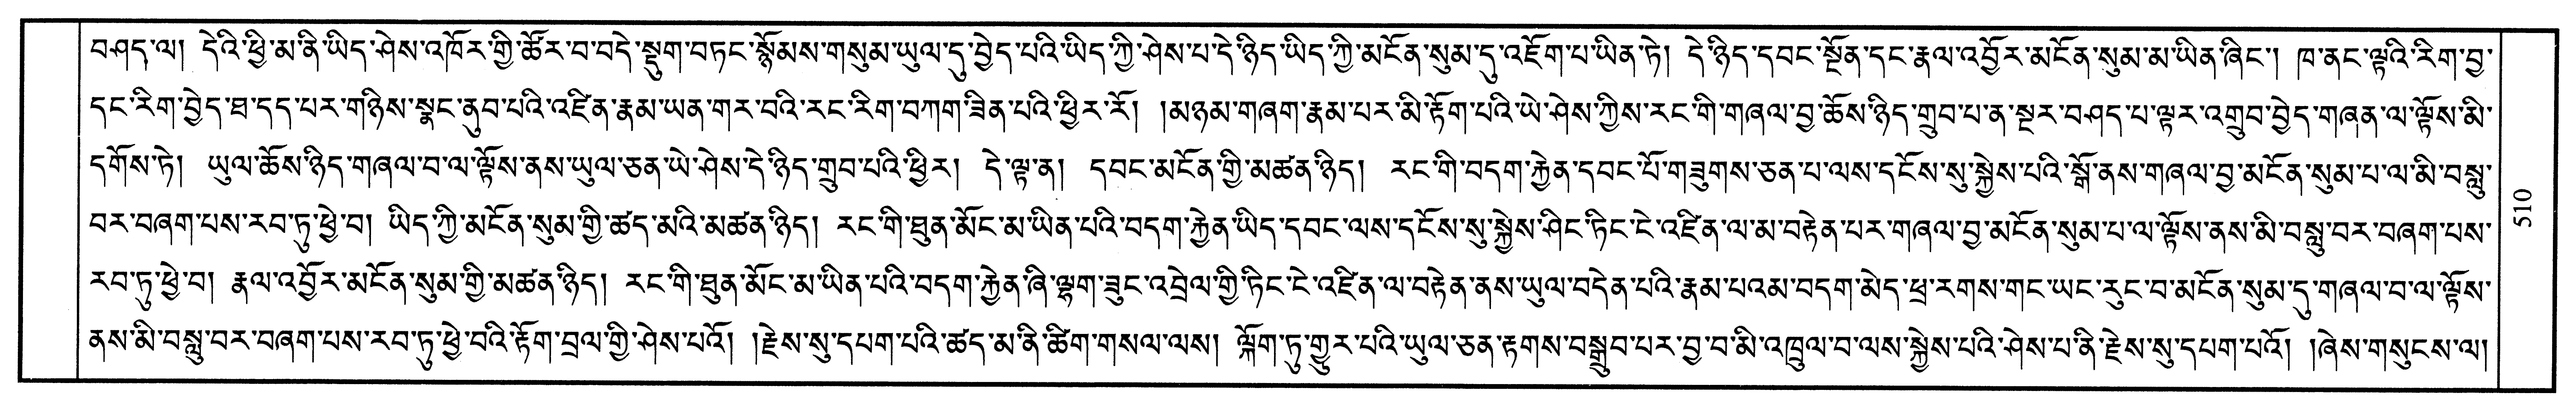བཤད་ལ། དེའི་ཕྱི་མ་ནི་ཡིད་ཤེས་འཁོར་གྱི་ཚོར་བ་བདེ་སྡུག་བཏང་སྙོམས་གསུམ་ཡུལ་དུ་བྱེད་པའི་ཡིད་ཀྱི་ཤེས་པ་དེ་ཉིད་ཡིད་ཀྱི་མངོན་སུམ་དུ་འཇོག་པ་ཡིན་ཏེ། དེ་ཉིད་དབང་སྔོན་དང་རྣལ་འབྱོར་མངོན་སུམ་མ་ཡིན་ཞིང་། ཁ་ནང་ལྟའི་རིག་བྱ་
དང་རིག་བྱེད་ཐ་དད་པར་གཉིས་སྣང་ནུབ་པའི་འཛིན་རྣམ་ཡན་གར་བའི་རང་རིག་བཀག་ཟིན་པའི་ཕྱིར་རོ། །མཉམ་གཞག་རྣམ་པར་མི་རྟོག་པའི་ཡེ་ཤེས་ཀྱིས་རང་གི་གཞལ་བྱ་ཆོས་ཉིད་གྲུབ་པ་ན་སྔར་བཤད་པ་ལྟར་འགྲུབ་བྱེད་གཞན་ལ་ལྟོས་མི་
དགོས་ཏེ། ཡུལ་ཆོས་ཉིད་གཞལ་བ་ལ་ལྟོས་ནས་ཡུལ་ཅན་ཡེ་ཤེས་དེ་ཉིད་གྲུབ་པའི་ཕྱིར། དེ་ལྟ་ན། དབང་མངོན་གྱི་མཚན་ཉིད། རང་གི་བདག་རྐྱེན་དབང་པོ་གཟུགས་ཅན་པ་ལས་དངོས་སུ་སྐྱེས་པའི་སྒོ་ནས་གཞལ་བྱ་མངོན་སུམ་པ་ལ་མི་བསླུ་
བར་བཞག་པས་རབ་ཏུ་ཕྱེ་བ། ཡིད་ཀྱི་མངོན་སུམ་གྱི་ཚད་མའི་མཚན་ཉིད། རང་གི་ཐུན་མོང་མ་ཡིན་པའི་བདག་རྐྱེན་ཡིད་དབང་ལས་དངོས་སུ་སྐྱེས་ཤིང་ཏིང་ངེ་འཛིན་ལ་མ་བརྟེན་པར་གཞལ་བྱ་མངོན་སུམ་པ་ལ་ལྟོས་ནས་མི་བསླུ་བར་བཞག་པས་
རབ་ཏུ་ཕྱེ་བ། རྣལ་འབྱོར་མངོན་སུམ་གྱི་མཚན་ཉིད། རང་གི་ཐུན་མོང་མ་ཡིན་པའི་བདག་རྐྱེན་ཞི་ལྷག་ཟུང་འབྲེལ་གྱི་ཏིང་ངེ་འཛིན་ལ་བརྟེན་ནས་ཡུལ་བདེན་པའི་རྣམ་པའམ་བདག་མེད་ཕྲ་རགས་གང་ཡང་རུང་བ་མངོན་སུམ་དུ་གཞལ་བ་ལ་ལྟོས་
ནས་མི་བསླུ་བར་བཞག་པས་རབ་ཏུ་ཕྱེ་བའི་རྟོག་བྲལ་གྱི་ཤེས་པའོ། །རྗེས་སུ་དཔག་པའི་ཚད་མ་ནི་ཚིག་གསལ་ལས། ལྐོག་ཏུ་གྱུར་པའི་ཡུལ་ཅན་རྟགས་བསྒྲུབ་པར་བྱ་བ་མི་འཁྲུལ་བ་ལས་སྐྱེས་པའི་ཤེས་པ་ནི་རྗེས་སུ་དཔག་པའོ། །ཞེས་གསུངས་ལ།